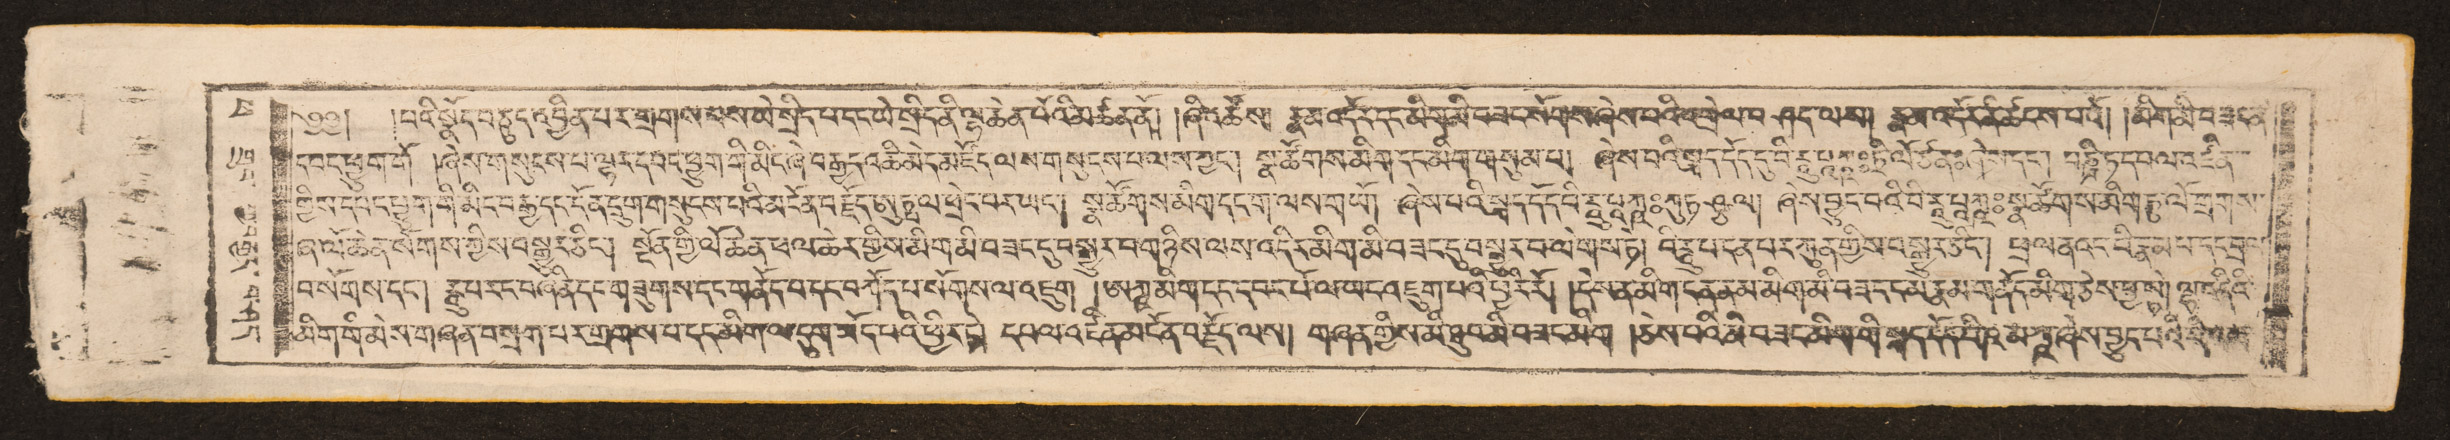༄༅། །པའི་སྣོད་བཅུད་འབྱིན་པར་གྲགས་པས་ཡེ་སྲིད་པ་དང་ཡེ་སྲིད་ནི་ལྷ་ཆེན་པོའི་མཚན་ནོ། །ཞེ་འཚོས། རྣམ་འདོར་དང་མིག་མི་བཟང་སོགས་ཞེས་པའི་འགྲེལ་བཤད་ལས། རྣམ་འདོར་ནི་ཚངས་པའོ། །མིག་མི་བཟང་ནི་
དབང་ཕྱུག་གོ །ཞེས་གསུངས་པ་ལྟར་དབང་ཕྱུག་གི་མིང་ཞེ་བརྒྱད་འཆི་མེད་མཛོད་ལས་གསུངས་པ་ལས་ཀྱང་། སྣ་ཚོགས་མིག་དང་མིག་གསུམ་པ། ཞེས་པའི་སྐད་དོད་དུ་བི་རཱུ་པཱཀྵཿཏྲི་ལོ་ཙ་ནཿཞེས་དང་། པཎྜི་ཏ་དཔལ་འཛིན་
གྱིས་དབང་ཕྱུག་གི་མིང་བརྒྱ་དང་དོན་དྲུག་གསུངས་པའི་མངོན་བརྗོད་ཨུཏྤ་ལ་ཕྲེང་བར་ཡང་། སྣ་ཚོགས་མིག་དང་ག་ལས་གཡོ། ཞེས་པའི་སྐད་དོད་བི་རཱུ་པཱཀྵཿཀུ་ཏ་ཤྩལ། ཞེས་བྱུང་བའི་བི་རཱུ་པཱཀྵཿསྣ་ཚོགས་མིག་ཏུ་ལོ་གྲགས་
ཞ་ལོ་ཆེན་སོགས་ཀྱིས་བསྒྱུར་ཅིང་། སྔོན་གྱི་ལོ་ཆེན་ཕལ་ཆེར་གྱིས་མིག་མི་བཟང་དུ་བསྒྱུར་བ་གཉིས་ལས་འདིར་མིག་མི་བཟང་དུ་བསྒྱུར་བ་ལེགས་ཏེ། བིརཱུ་པ་དན་པར་ཀུན་གྱིས་བསྒྱུར་ཅིང་། ཕྲལ་ནའང་བི་རྣམ་པ་དང་བྲལ་
བ་སོགས་དང་། རཱུ་པ་རང་བཞིན་དང་གཟུགས་དང་གནོད་པ་དང་བཀོད་པ་སོགས་ལ་འཇུག །ཨཀྵ་མིག་དང་དབང་པོ་ལ་ཡང་འཇུག་པའི་ཕྱིར་རོ། །དེས་ན་མིག་དན་ནམ་མིག་མི་བཟང་དམ་རྣམ་གནོད་མིག་ཅེས་བྱ་སྟེ། ལྷ་འདིའི་
མིག་གི་མེས་གཞན་བསྲག་པར་གྲགས་པ་དད་མིག་ལ་དུག་ཡོད་པའི་ཕྱིར་ཏེ། དཔལ་འཛིན་མདོན་བརྗོད་ལས། གཞན་གྱིས་མི་ཐུབ་མི་བཟང་མིག །ཅེས་པའི་མི་བཟང་མིག་གི་སྐད་དོད་པི་ཥ་མ་ཀྵ་ཞེས་བྱུང་པའི་བི་ཥམ་